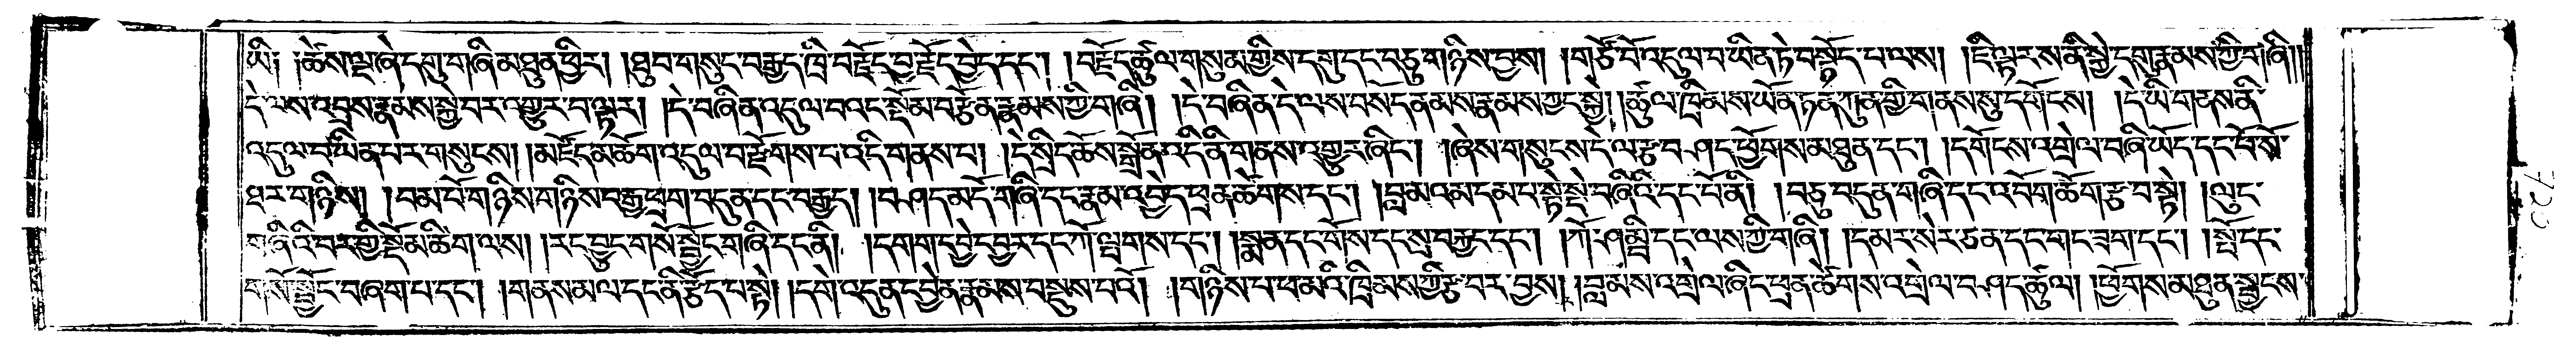ཡི༑ ༑ཚེས་ལྔ་ཞེ་དགུ་གཞི་མཐུན་ཕྱིར། །ཐུབ་གསུང་བརྒྱད་ཁྲི་བརྗོད་བྱ་རྗོད་བྱེད་དང་། །བརྗོད་ཚུལ་གསུམ་གྱིས་དགུ་དང་བཅུ་གཉིས་བྱས། །གཙོ་བོ་འདུལ་བ་ཡིན་ཏེ་བསྟོད་པ་ལས། །ཇི་ལྟར་ས་ནི་སྐྱེ་དགུ་རྣམས་ཀྱི་གཞི།།
དེ་ལས་འབྲས་རྣམས་སྐྱེ་བར་འགྱུར་བ་ལྟར། །དེ་བཞིན་འདུལ་བའང་སྡོམ་བརྩོན་རྣམས་ཀྱི་གཞི། །དེ་བཞིན་དེ་ལས་བསོད་ནམས་རྣམས་ཀྱང་སྐྱེ། །ཚུལ་ཁྲིམས་ཡོན་ཏན་ཀུན་གྱི་གནས་སུ་དགོངས། །དེ་ཡི་གནས་ནི་
འདུལ་བ་ཡིན་པར་གསུངས། །མཛོད་མཆོག་འདུལ་བ་རྫོགས་པ་འདི་གནས་པ། །དེ་སྲིད་ཆོས་སྒྲོན་འདི་ནི་གནས་འགྱུར་ཞིང་། །ཞེས་གསུངས་དེ་ལ་རྩ་བཤད་ཕྱོགས་མཐུན་དང་། །དགོངས་འགྲེལ་བཞི་ཡོད་དང་པོ་སོ་
ཐར་གཉིས། །བམ་པོ་གཉིས་གཉིས་བརྒྱ་ཕྲག་བདུན་དང་བརྒྱད། །བཤད་མདོ་གཞི་དང་རྣམ་འབྱེད་ཕྲན་ཚེགས་དང་། །བླ་མའམ་དམ་པ་སྟེ་སྡེ་བཞིའི་དང་པོ་ནི། །བཅུ་བདུན་གཞི་དང་འབོག་ཆོག་རྩ་བ་སྟེ། །ལུང་
གཞིའི་བར་གྱི་སྡོམ་ཚིག་ལས། །རང་བྱུང་གསོ་སྦྱོང་གཞི་དང་ནི། །དགག་དབྱེ་དབྱར་དང་ཀོ་ལྤགས་དང་། །སྨན་དང་གོས་དང་སྲ་བརྐྱང་དང་། །ཀོ་ཤམ་བི་དང་ལས་ཀྱི་གཞི། །དམར་སེར་ཅན་དང་གང་ཟག་དང་། །སྤོ་དང་
གསོ་སྦྱོང་བཞག་པ་དང་། །གནས་མ་ལ་དང་ནི་རྩོད་པ་སྟེ། །དགེ་བདུན་དབྱེན་རྣམས་བསྡུས་པའོ། །གཉིས་པ་ཕ་མའི་ཁྲིམས་ཀྱི་རྩ་བར་བྱས། །བླ་མས་འགྲེལ་ཞིང་ཕྲན་ཚེགས་འགྲེལ་བཤད་ཚུལ། །ཕྱོགས་མཐུན་སྦྱངས་